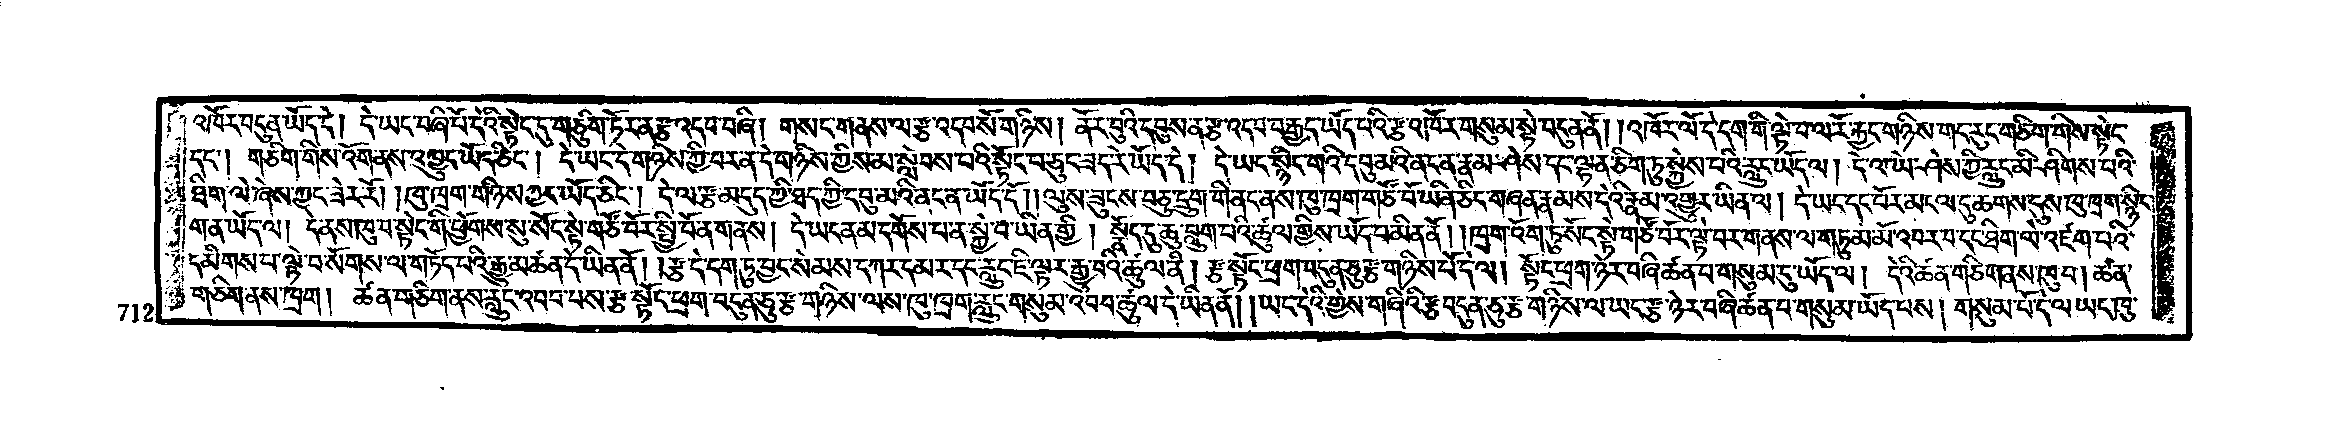འཁོར་བདུན་ཡོད་དེ། དེ་ཡང་བཞི་པོ་དེའི་སྟེང་དུ་གཙུག་ཏོར་ན་རྩ་འདབ་བཞི། གསང་གནས་ལ་རྩ་འདབ་སོ་གཉིས། ནོར་བུའི་དབུས་ན་རྩ་འདབ་བརྒྱད་ཡོད་པའི་རྩ་འཁོར་གསུམ་སྟེ་བདུན་ནོ། །འཁོར་ལོ་དེ་དག་གི་ལྟེ་བ་ལ་རོ་རྐྱང་གཉིས་གང་རུང་གཅིག་གིས་སྟེང་
དང་། གཅིག་གིས་འོག་ནས་འཁྱུད་ཡོད་ཅིང་། དེ་ཡང་དེ་གཉིས་ཀྱི་བར་ན་དེ་གཉིས་ཀྱིས་མ་སླེབས་པའི་སྟོང་པ་ཅུང་ཟད་རེ་ཡོད་དེ། དེ་ཡང་སྙིང་གའི་དབུ་མའི་ནང་ན་རྣམ་ཤེས་དང་ལྷན་ཅིག་ཏུ་སྐྱེས་པའི་རླུང་ཡོད་ལ། དེ་ལ་ཡེ་ཤེས་ཀྱི་རླུང་མི་ཤིགས་པའི་
ཐིག་ལེ་ཞེས་ཀྱང་ཟེར་རོ། །ཁུ་ཁྲག་གཉིས་ཀྱང་ཡོད་ཅིང་། དེ་ལ་རྩ་མདུད་ཀྱི་ཐད་ཀྱི་དབུ་མའི་ནང་ན་ཡོད་དོ། །ལུས་ཟུངས་བཅུ་དྲུག་གི་ནང་ནས་ཁུ་ཁྲག་གཙོ་བོ་ཡིན་ཅིང་གཞན་རྣམས་དེའི་རྣམ་འགྱུར་ཡིན་ལ། དེ་ཡང་དང་པོར་མངལ་དུ་ཆགས་དུས་ཁུ་ཁྲག་སྙིང་
ག་ན་ཡོད་ལ། དེ་ནས་ཁུ་བ་སྟེང་གི་ཕྱོགས་སུ་སོང་སྟེ་གཙོ་བོར་སྤྱི་བོ་ན་གནས། དེ་ཡང་ནམ་དགོས་པ་ན་སྐྱེ་བ་ཡིན་གྱི། སྣོད་དུ་ཆུ་བླུག་པའི་ཚུལ་གྱིས་ཡོད་པ་མིན་ནོ། །ཁྲག་འོག་ཏུ་སོང་སྟེ་གཙོ་བོར་ལྟེ་བར་གནས་ལ་གཏུམ་མོ་འབར་བ་དང་ཐིག་ལེ་འཛག་པའི་
དམིགས་པ་ལྟེ་བ་སོགས་ལ་གཏོད་པའི་རྒྱུ་མཚན་དེ་ཡིན་ནོ། །རྩ་དེ་དག་ཏུ་བྱང་སེམས་དཀར་དམར་དང་རླུང་ཇི་ལྟར་རྒྱུ་བའི་ཚུལ་ནི། རྩ་སྟོང་ཕྲག་བདུན་ཅུ་རྩ་གཉིས་པོ་དེ་ལ། སྟོང་ཕྲག་ཉེར་བཞི་ཚན་པ་གསུམ་དུ་ཡོད་ལ། དེའི་ཚན་གཅིག་ནས་ཁུ་བ། ཆན་
གཅིག་ནས་ཁྲག། ཚན་གཅིག་ནས་རླུང་འབབ་པས་རྩ་སྟོང་ཕྲག་བདུན་ཅུ་རྩ་གཉིས་ལས་ཁུ་ཁྲག་རླུང་གསུམ་འབབ་ཚུལ་དེ་ཡིན་ནོ། །ཡང་དེའི་གྱེས་གཞིའི་རྩ་བདུན་ཅུ་རྩ་གཉིས་ལ་ཡང་རྩ་ཉེར་བཞི་ཚན་པ་གསུམ་ཡོད་པས། གསུམ་པོ་དེ་ལ་ཡང་ཁུ་